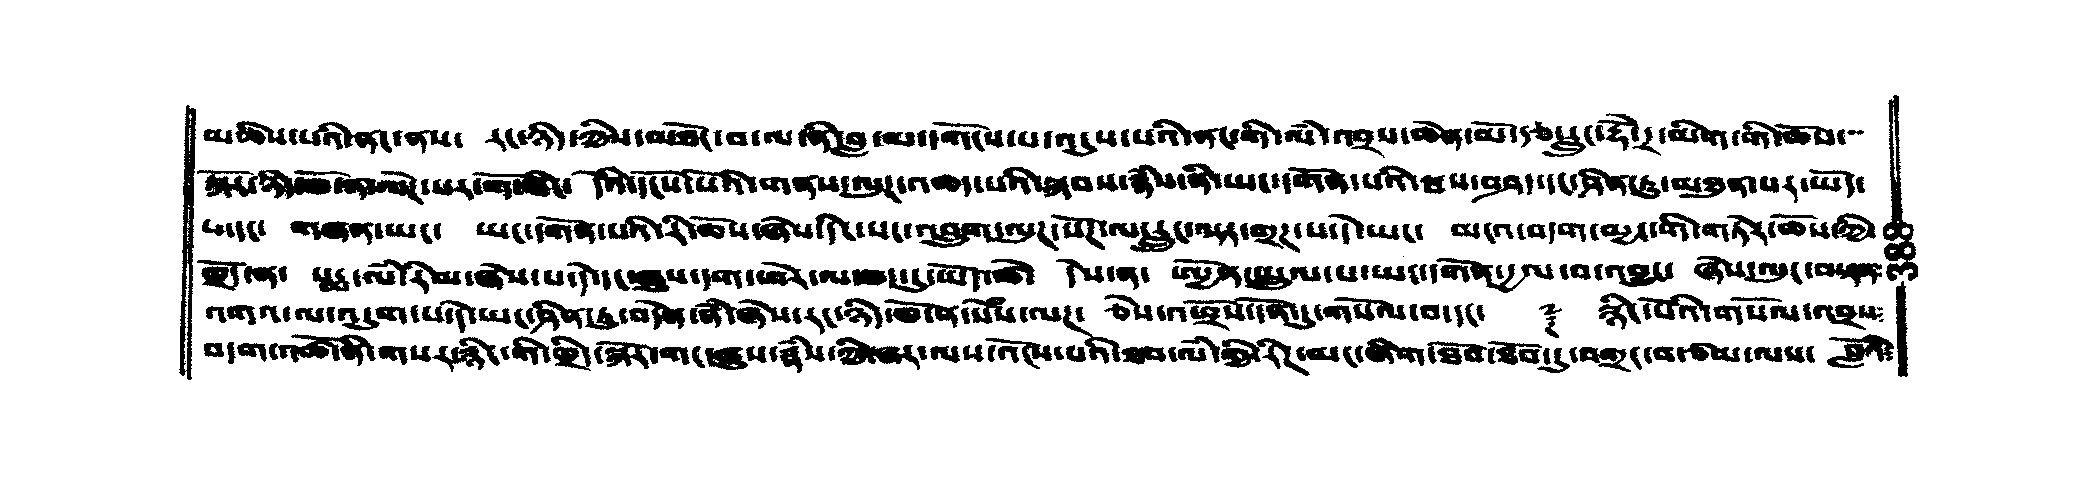མཆིས་པའི་ནང་ནས། རང་ཉིད་ཀྱིས་མཐོང་བ་ལ་ནི་བླ་མ་དགོངས་པ་འདུས་པའི་ནང་གི་ལམ་འབྲས་ཆེན་མོ་རྩ་རླུང་རྡོ་རྗེ་དྲྭ་མིག་གི་ཆོས་
སྐོར་ཉིད་ཁོ་ན་ལེགས་པར་གོ་ཞིང་། དེའི་དངོས་པོའི་གནས་ལུགས་འཆད་པའི་སྐབས་རྣམས་ནི་ཡང་དགོན་པའི་སྦས་བཤད་དང་ཤིན་ཏུ་མཐུན་པར་ཡོད་
པ་དང་། གཞན་ཡང་། ཡང་དགོན་པའི་རི་ཆོས་ཞེས་དིང་སང་འབྲུག་ལུགས་སོགས་ལ་རླུང་ལྟར་གྲགས་པ་དེ་ཡང་། མངའ་བདག་མྱང་གི་གཏེར་ཆོས་ཀྱི་
ཁྲོད་ན། པདྨ་ལམ་རིམ་ཞེས་པ་དེ་དང་ཞུས་དག་ཕེར་ལ་ཁད་དུ་ཡོད་ཚེ། དེས་ན། ཨོ་རྒྱན་སྤྲུལ་པ་ཡང་དགོན་རྒྱལ་བ་འབྱུང་། ཞེས་ལུང་བསྟན་
འགའ་ལ་འདུག་པ་དེ་ཡང་ཤིན་ཏུ་བདེན་ནམ་ཞེས་རང་ཉིད་ཁོ་ན་སེམས་ལགས། ཅེས་འཕྲོས་དོན་དུ་གསོལ་བ་དང་། སྙིང་པོའི་གསོལ་འབྲས། 
བདག་ཚོ་ནི་གསར་རྙིང་གི་ཁྲིད་སྐོར་གང་ཞུས་རྣམས་ཀྱི་ཞར་ལས་འོངས་པའི་ཐབས་ལམ་གྱི་རིགས་མང་ཞིག་ཐོབ་ཐོབ་ཏུ་བགྲང་བ་ཙམ་ལས། བློའི་